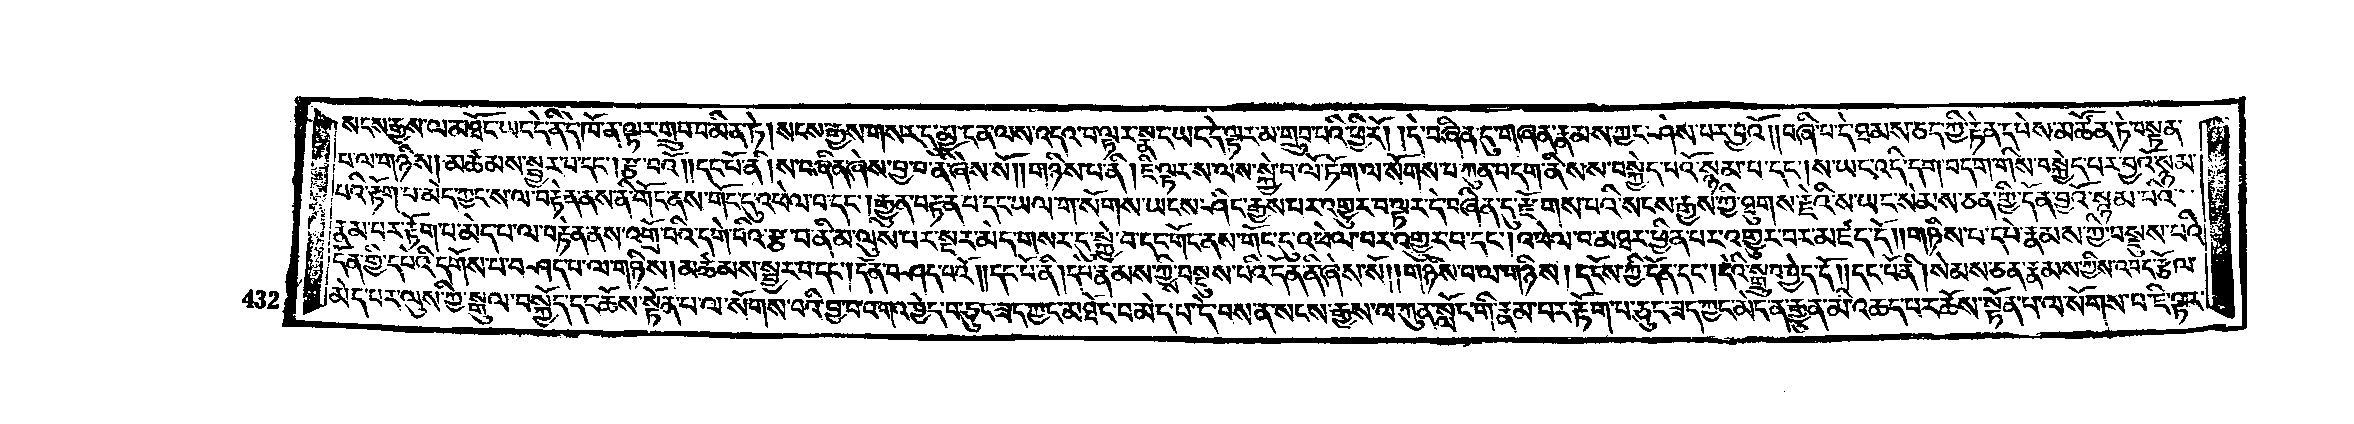སངས་རྒྱས་ལ་མཐོང་ཡང་དེ་ནི་དེ་ཁོ་ན་ལྟར་གྲུབ་བ་མིན་ཏེ། སངས་རྒྱས་གསར་དུ་མྱ་ངན་ལས་འདའ་བ་ལྟར་སྣང་ཡང་དེ་ལྟར་མ་གྲུབ་པའི་ཕྱིར་རོ། །དེ་བཞིན་དུ་གཞན་རྣམས་ཀྱང་ཤེས་པར་བྱའོ། །བཞི་བ་དེ་ཐམས་ཅད་ཀྱི་རྟེན་དཔེས་མཚོན་ཏེ་བསྟན་
པ་ལ་གཉིས། མཚམས་སྦྱར་བ་དང་། རྩ་བའོ། །དང་པོ་ནི། ས་བཞིན་ཞེས་བྱ་བ་ནི་ཞེས་སོ། །གཉིས་པ་ནི། ཇི་ལྟར་ས་ལས་སྐྱེ་བ་ལོ་ཏོག་ལ་སོགས་པ་ཀུན་བདག་ནི་ས་ས་བསྐྱེད་པའོ་སྙམ་པ་དང་། ས་ཡང་འདི་དག་གིས་བསྐྱེད་པར་བྱའོ་སྙམ་
པའི་རྟོག་པ་མེད་ཀྱང་ས་ལ་བརྟེན་ནས་ནི་གོང་ནས་གོང་དུ་འཕེལ་བ་དང་། རྒྱུན་བརྟན་པ་དང་ཡལ་སོགས་ཡངས་ཤིང་རྒྱས་པར་འགྱུར་བ་ལྟར་དེ་བཞིན་དུ་རྫོགས་པའི་སངས་རྒྱས་ཀྱི་ཐུགས་རྗེའི་ས་ཡང་སེམས་ཅན་གྱི་དོན་བྱའོ་སྙམ་པའི་
རྣམ་པར་རྟོག་པ་མེད་པ་ལ་བརྟེན་ནས་འགྲོ་བའི་དགེ་བའི་རྩ་བ་ནི་མ་ལུས་པར་སྔར་མེད་གསར་དུ་སྐྱེ་བ་དང་གོང་ནས་གོང་དུ་འཕེལ་བར་འགྱུར་བ་དང་། འཕེལ་བ་མཐར་ཕྱིན་པར་འགྱུར་བར་མཛད་དོ། །གཉིས་པ་དཔེ་རྣམས་ཀྱི་བསྡུས་པའི་
དོན་གྱི་དཔེའི་དགོས་པ་བཤད་པ་ལ་གཉིས། མཚམས་སྦྱར་བ་དང་། དོན་བཤད་པའོ། །དང་པོ་ནི། དཔེ་རྣམས་ཀྱིས་བསྡུས་པའི་དོན་ནི་ཞེས་སོ། །གཉིས་པ་ལ་གཉིས། དངོས་ཀྱི་དོན་དང་། དེའི་སྒྲུབ་བྱེད་དོ། །དང་པོ་ནི། སེམས་ཅན་རྣམས་ཀྱིས་འབད་རྩོལ་
མེད་པར་ལུས་ཀྱི་སྒུལ་བསྐྱོད་དང་ཆོས་སྟོན་པ་ལ་སོགས་བའི་བྱ་བ་འགའ་བྱེད་བ་ཅུང་ཟད་ཀྱང་མཐོང་བ་མེད་པ་དེ་བས་ན་སངས་རྒྱས་ལ་ཀུན་སློང་གི་རྣམ་པར་རྟོག་པ་ཅུང་ཟད་ཀྱང་མེད་ན་རྒྱུན་མི་འཆད་པར་ཆོས་སྟོན་པ་ལ་སོགས་པ་ཇི་ལྟར་